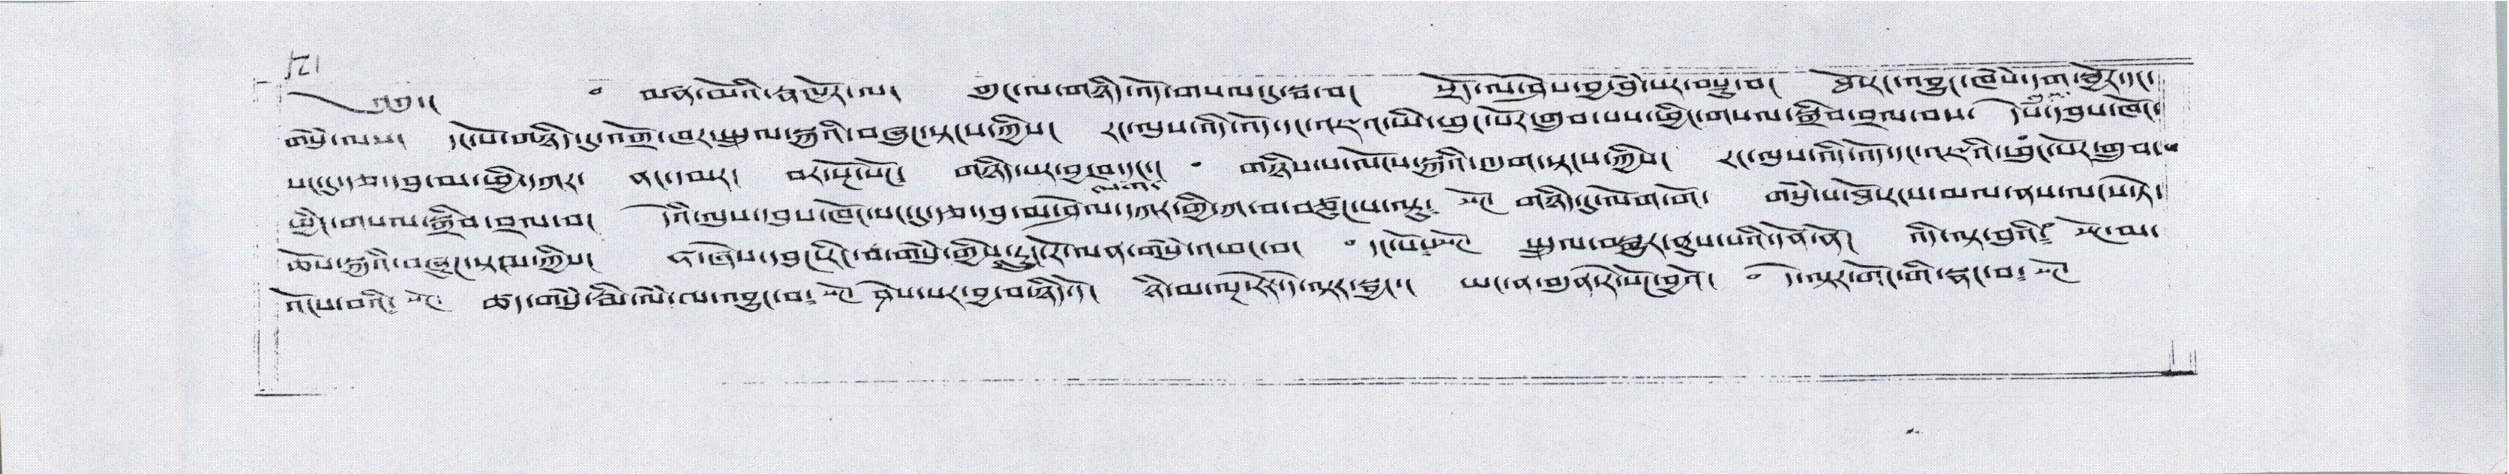༄༅།། མཚན་མོའི་རྣལ་འབྱོར་ལ། གུང་ལ་གཉིད་འོད་གསལ་དུ་སྦ་བ། སྲོད་ལ་ཤེས་བྱ་བུམ་པར་བསྡུ་བ། ཐོ་རངས་འབྱུང་ཁམས་དག་སྦྱོར་དང་
གསུམ་ལས། དང་པོ་གཉིད་དུ་འགྲོ་ཁར་སྤྲུལ་སྐུའི་བཞུགས་སྟངས་ཀྱིས། རང་ལུས་འདི་འོད་དང་འཇའ་ཡི་ཕུང་པོིར་གྲུབ་པས་ཕྱི་ནང་གསལ་སྒྲིབ་བྲལ་བ། དེས་ལུས་དབུས་ཁོང་
སེང་དུ་རྩ་དབུ་མ་ཕྱི་དཀར། ནང་དམར། བར་སྔོ་སོགས། གཉིད་པར་བྱ་བ་དང་། ༧ གཉིས་པ་ལོངས་སྐུའི་འདུག་སྟངས་ཀྱིས། རང་ལུས་འདི་འོད་དང་འཇའ་ཡི་ཕུང་པོར་གྲུབ་པ། 
ཕྱི་ནང་གསལ་སྒྲིབ་བྲལ་བ། དེའི་ལུས་དབུས་ཁོང་སེང་དུ་རྩ་དབུ་མ་ཤེལ་དཀར་གྱི་ཀ་བ་བཙུགས་པ་ལྟ་བུ་སོགས་གཉིད་དུ་ལོག་གོ གསུམ་པ་ཐོ་རངས་མལ་ནས་ལངས་ཏེ་
ཆོས་སྐུའི་བཞུགས་སྟངས་ཀྱིས། ཧ་ཞེས་དབུགས་རིང་གསུམ་གྱིས་རླུང་རོ་ལན་གསུམ་འཕང་བ། དང་པོ་སོགས། སྤྲུལ་བསྒྱུར་ནུས་པའི་དོན་ནོ། འདི་ལྟ་བུའི། སོགས་མ་
འོངས་པའི། སོགས་ཚད་གསུམ་རྨི་ལམ་ལ་འབྱུང་བ། སོགས་ཤེས་པར་བྱ་བ་ཉིད་དོ། ཉི་མ་ལྔ་རེར་དེ་ལྟར་སྦྱངས། ཡང་ན་བདུན་རེ་སོགས་བྱའོ། །དེ་ལྟར་གོང་གི་སྣང་བ་སོགས་